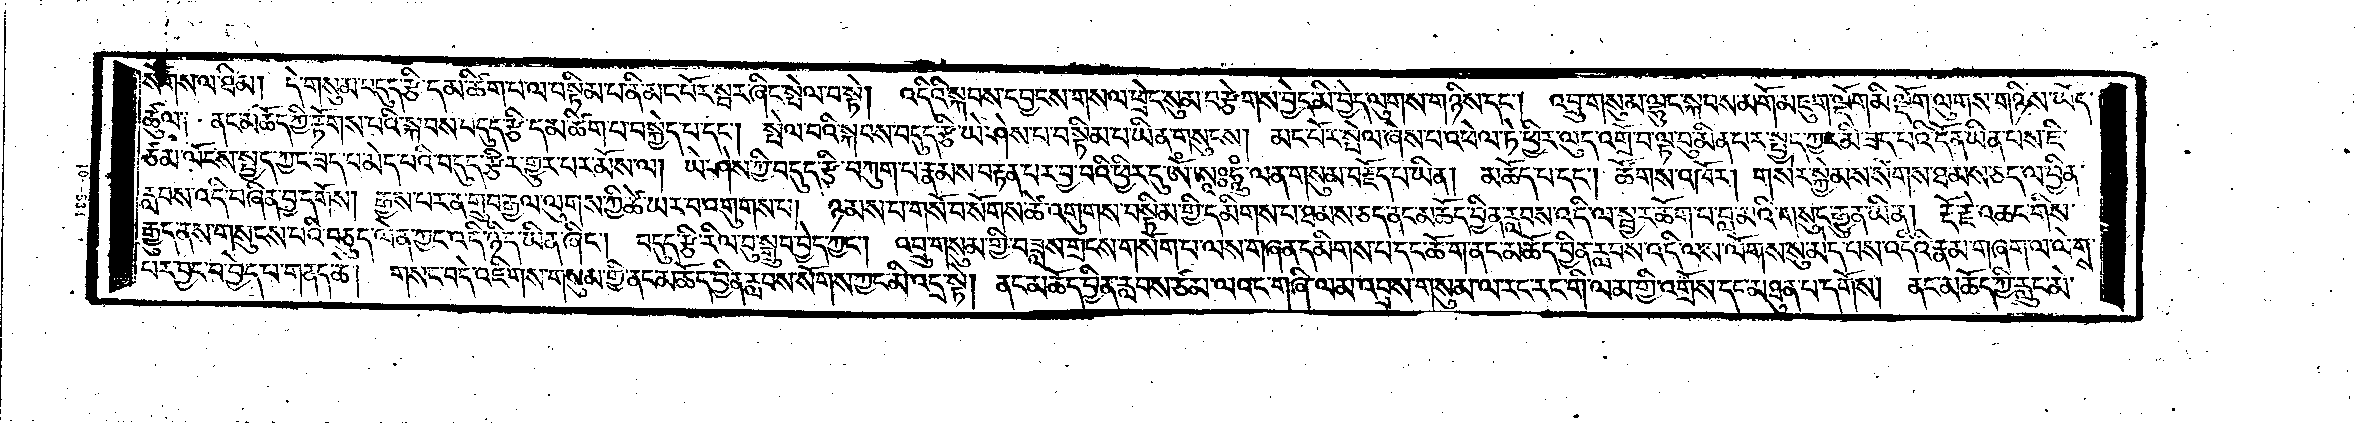སོགས་ལ་ཐིམ། དེ་གསུམ་བདུད་རྩི་དམ་ཚིག་པ་ལ་བསྟིམ་པ་ནི་མང་པོར་སྦར་ཞིང་སྤེལ་བསྟེ། འདིའི་སྐབས་དབྱངས་གསལ་ཕྲེང་སུམ་བརྩེགས་བྱེད་མི་བྱེད་ལུགས་གཉིས་དང་། འབྲུ་གསུམ་ལྷུང་སྐབས་མགོ་མཇུག་ལྡོག་མི་ལྡོག་ལུགས་གཉིས་ཡོད་
ཚུལ་ནང་མཆོད་ཀྱི་རྟོགས་པའི་སྐབས་བདུད་རྩི་དམ་ཚིག་པ་བསྐྱེད་པ་དང་། སྤེལ་བའི་སྐབས་བདུད་རྩི་ཡེ་ཤེས་པ་བསྟིམ་པ་ཡིན་གསུངས། མང་པོར་སྤེལ་ཞེས་པ་འཕེལ་ཏེ་ཕྱིར་ལུད་འགྲོ་བ་ལྟ་བུ་མིན་བར་སྤྱད་ཀྱང་མི་ཟད་པའི་དོན་ཡིན་པས་ཇི་
ཙམ་ལོངས་སྤྱད་ཀྱང་ཟད་པ་མེད་པའི་བདུད་རྩིར་གྱུར་བར་མོས་ལ། ཡེ་ཤེས་ཀྱི་བདུད་རྩི་བཀུག་པ་རྣམས་བརྟན་པར་བྱ་བའི་ཕྱིར་དུ་ཨོཾ་ཨཱཿ ཧཱུཾ་ལན་གསུམ་བརྗོད་པ་ཡིན། མཆོད་པ་དང་། ཚོགས་འཁོར། གསེར་སྐྱེམས་སོགས་ཐམས་ཅད་ལ་བྱིན་
རླབས་འདི་བཞིན་བྱ་དགོས། རྒྱས་པར་ན་གྲུབ་རྒྱལ་ལུགས་ཀྱི་ཚེ་ཡ་རབ་འགུགས་པ། ཉམས་པ་གསོ་བ་སོགས་ཚེ་འགུགས་བསྟིམ་གྱི་དམིགས་པ་ཐམས་ཅད་ནང་མཆོད་བྱིན་རླབས་འདི་ལ་སྦྱར་ཆོག་པ་བླ་མའི་གསུང་རྒྱུན་ཡིན། རྡོ་རྗེ་འཆང་གིས་
རྒྱུད་ནས་གསུངས་པའི་བཅུད་ལེན་ཀྱང་འདི་ཉིད་ཡིན་ཞིང་། བདུད་རྩི་རིལ་བུ་སྒྲུབ་བྱེད་ཀྱང་། འབྲུ་གསུམ་གྱི་བཟླས་གྲངས་གསོག་པ་ལས་གཞན་དམིགས་པ་དང་ཆོ་ག་ནང་མཆོད་བྱིན་རླབས་འདི་ལས་ལོགས་སུ་མང་པས་འདིའི་རྣམ་གཞག་ལ་ལེགས་
པར་བྱང་པ་བྱེད་བ་གནད་ཆེ། གསང་བདེ་འཇིགས་གསུམ་གྱི་ནང་མཆོད་བྱིན་རླབས་སོགས་ཀྱང་མི་འདྲ་སྟེ། ནང་མཆོད་བྱིན་རླབས་ཙམ་ལ་འང་གཞི་ལམ་འབྲས་གསུམ་ལ་རང་རང་གི་ལམ་གྱི་འགྲོས་དང་མཐུན་པ་དགོས། ནང་མཆོད་ཀྱི་རླུང་མེ་